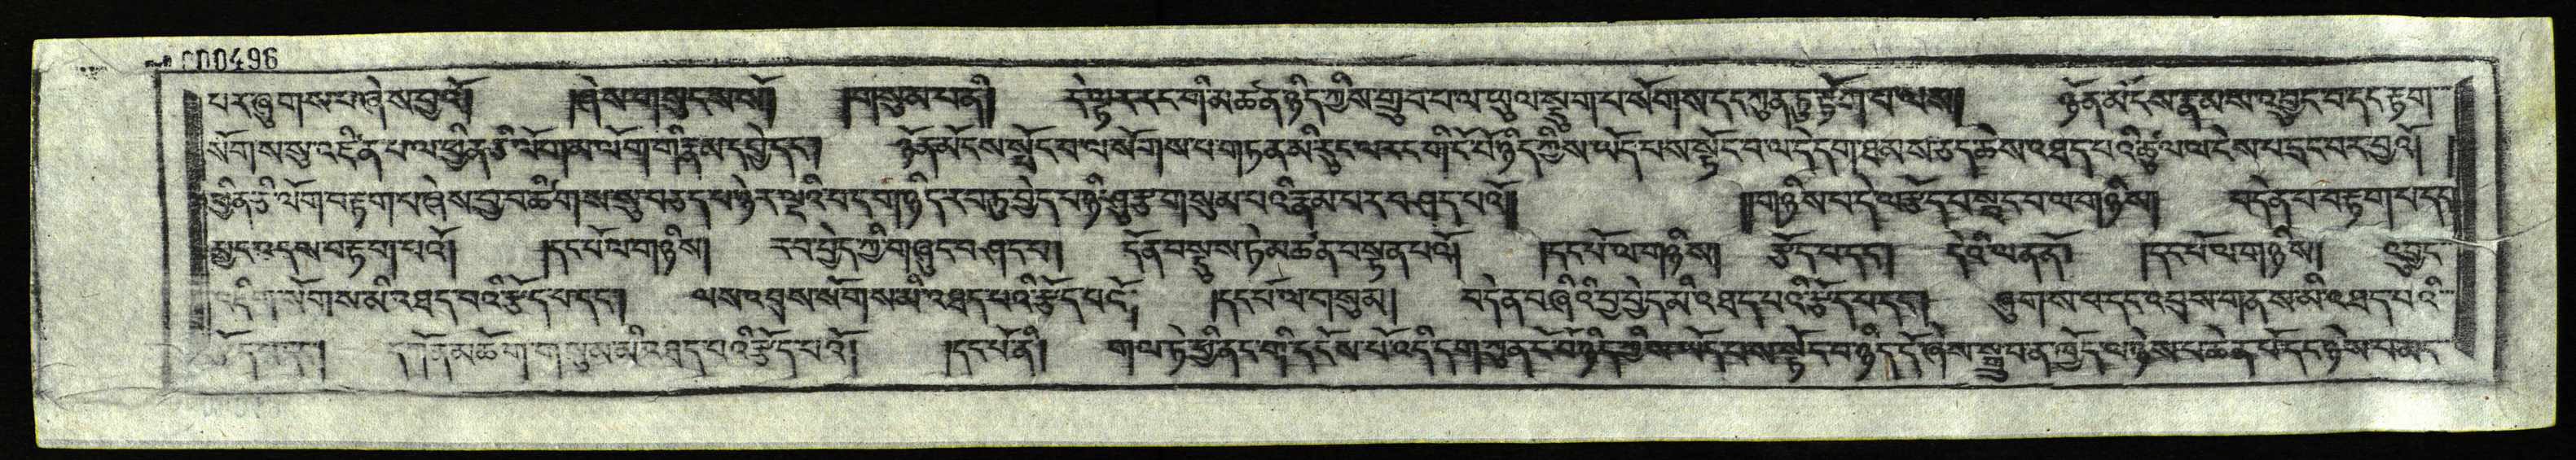པར་ཞུགས་པ་ཞེས་བྱའོ། །ཞེས་གསུངས་སོ། །གསུམ་པ་ནི། དེ་ལྟར་རང་གི་མཚན་ཉིད་ཀྱིས་གྲུབ་པ་ལ་ཡུལ་སྡུག་པ་སོགས་དང་ཀུན་ཏུ་རྟོག་པ་ལས། ཉོན་མོངས་རྣམས་འབྱུང་བ་དང་རྟག་
སོགས་སུ་འཛིན་པ་ལ་ཕྱིན་ཅི་ལོག་མ་ལོག་གི་རྣམ་དབྱེ་དང་། ཉོན་མོངས་སྤོང་བ་ལ་སོགས་པ་གཏན་མི་རུང་ལ་རང་གི་ངོ་བོ་ཉིད་ཀྱིས་ཡོད་པས་སྟོང་པ་ལ་དེ་དག་ཐམས་ཅད་ཆེས་འཐད་པའི་ཚུལ་ལ་ངེས་པ་དྲང་པར་བྱའོ། །
ཕྱིན་ཅི་ལོག་བརྟག་པ་ཞེས་བྱ་བ་ཚིགས་སུ་བཅད་པ་ཉེར་ལྔའི་བདག་ཉིད་རབ་ཏུ་བྱེད་པ་ཉི་ཤུ་རྩ་གསུམ་པའི་རྣམ་པར་བཤད་པའོ།། །།གཉིས་པ་དེ་ལ་རྩོད་པ་སྤང་བ་ལ་གཉིས། བདེན་པ་བརྟག་པ་དང་
མྱང་འདས་བརྟག་པའོ། །དང་པོ་ལ་གཉིས། རབ་བྱེད་ཀྱི་གཞུང་བཤད་པ། དོན་བསྡུས་ཏེ་མཚན་བསྟན་པའོ། །དང་པོ་ལ་གཉིས། རྩོད་པ་དང་། དེའི་ལན་ནོ། །དང་པོ་ལ་གཉིས། འབྱུང་
འཇིག་སོགས་མི་འཐད་པའི་རྩོད་པ་དང་། ལས་འབྲས་སོགས་མི་འཐད་པའི་རྩོད་པའོ། །དང་པོ་ལ་གསུམ། བདེན་བཞིའི་བྱ་བྱེད་མི་འཐད་པའི་རྩོད་པ་དང་། ཞུགས་པ་དང་འབྲས་གནས་མི་འཐད་པའི་
རྩོད་པ་དང་། དཀོན་མཆོག་གསུམ་མི་འཐད་པའི་རྩོད་པའོ། །དང་པོ་ནི། གལ་ཏེ་ཕྱི་ནང་གི་དངོས་པོ་འདི་དག་ཀུན་ངོ་བོ་ཉིད་ཀྱིས་ཡོད་པས་སྟོང་པ་ཉིད་དོ་ཞེས་སྒྲུབ་ན་ཁྱོད་ལ་ཉེས་པ་ཆེན་པོ་དང་ཉེས་པ་མང་